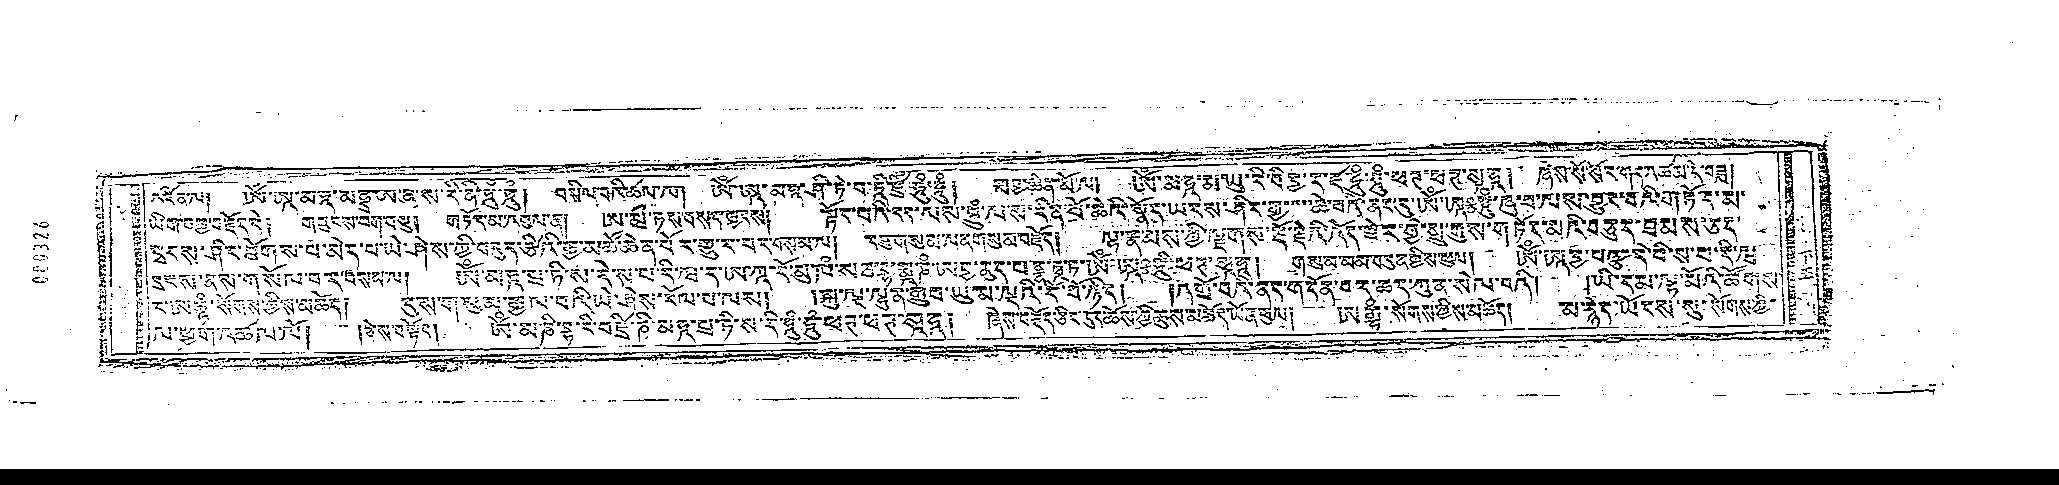འཛིན་ལ། ཨོཾ་ཨཱ་མ་ཧཱ་མནྡ་ཨ་ནུ་ས་རི་ནི་ཧཱུཾ་ཧཱུཾ། བསིལ་བཞི་ཚལ་ལ། ཨོཾ་ཨཱ་མ་ཧཱ་ཤི་ཏེ་པ་ཏཱི་ཛྲིཾ་ཧཱུཾ་ཧཱུཾ། རྨ་བྱ་ཆེན་མོ་ལ། ཨོཾ་མ་ཧཱ་མ་ཡུ་རི་བི་དྱ་ར་ཛ་ཧཱུཾ་ཧཱུཾ་ཕཊ་ཕཊ་སྭཱ་ཧཱ། ཞེས་སོ་སོར་གང་འཚམ་རེ་བཟླ།
ཡིག་བརྒྱ་བརྗོད་དེ། གཟུངས་ཐག་བསྡུ། གཏོར་མ་འབུལ་ན། ཨ་མྲྀ་ཏས་བསང་སྦྱངས། སྟོང་པའི་དང་ལས་བྷྲུཾ་ལས་རིན་པོ་ཆེའི་སྣོད་ཡངས་ཤིང་རྒྱ་ཆེ་བའི་ནང་དུ་ཨོཾ་ཨཱཿ་ཧཱུཾ་ཞུ་བ་ལས་བྱུང་བའི་གཏོར་མ་
དྭངས་ཤིང་ཐོགས་པ་མེད་པ་ཡེ་ཤེས་ཀྱི་བདུད་རྩིའི་རྒྱ་མཚོ་ཆེན་པོར་གྱུར་པར་བསམ་ལ། འབྲུ་གསུམ་ལན་གསུམ་བརྗོད། ལྷ་རྣམས་ཀྱི་ལྗགས་རྡོ་རྗེའི་འོད་ཟེར་གྱི་སྦུ་གུས་གཏོར་མའི་བཅུད་ཐམས་ཅད་
དྲངས་ནས་གསོལ་བར་བསམ་ལ། ཨོཾ་མ་ཧཱ་པྲ་ཏི་ས་རེ་ས་པ་རི་ཝ་ར་ཨ་ཀཱ་རོ་མུ་ཁཾ་སརྦ་དྷ་མཱ་ཎཾ་ཨདྱ་ནུ་ད་པཊྣ་དྭཱ་ཏ་ཨོཾ་ཨཱཿ་ཧཱུཾ་ཕཊ་སྭཱ་ཧཱ། གསུམ་མམ་བདུན་གྱིས་ཕུལ། ཨོཾ་ཨཱ་རྱ་པཉྩ་དེ་བི་ས་པ་རི་ལྭ་
ར་ཨརྒྷཾ་སོགས་ཀྱིས་མཆོད། དུས་གསུམ་རྒྱལ་བའི་ཡེ་ཤེས་རོལ་པ་ལས། །སྐུ་ལྔ་ལྷུན་གྲིབ་ཡུམ་ལྔའི་ངོ་བོ་ཉིད། །འགྲོ་བའི་ནད་གདོན་བར་ཆད་ཀུན་སེལ་བའི། །ཡི་དམ་ལྷ་མོའི་ཚོགས་
ལ་ཕྱག་འཚལ་ལོ། །ཅེས་བསྟོད། ཨོཾ་མ་ཎི་དྷ་རི་བཛྲི་ཎི་མ་ཧཱ་པྲ་ཏི་ས་རི་ཧཱུཾ་ཧཱུཾ་ཕཊ་ཕཊ་སྭཱ་ཧཱ། ཞེས་བརྗོད་ཅིང་དུང་ཆོས་ཀྱི་ཆུས་མཆོད་ཡོན་ཕུལ། ཨརྒྷཾ་སོགས་ཀྱིས་མཆོད། མ་རྙེད་ཡོངས་སུ་སོགས་ཀྱི་